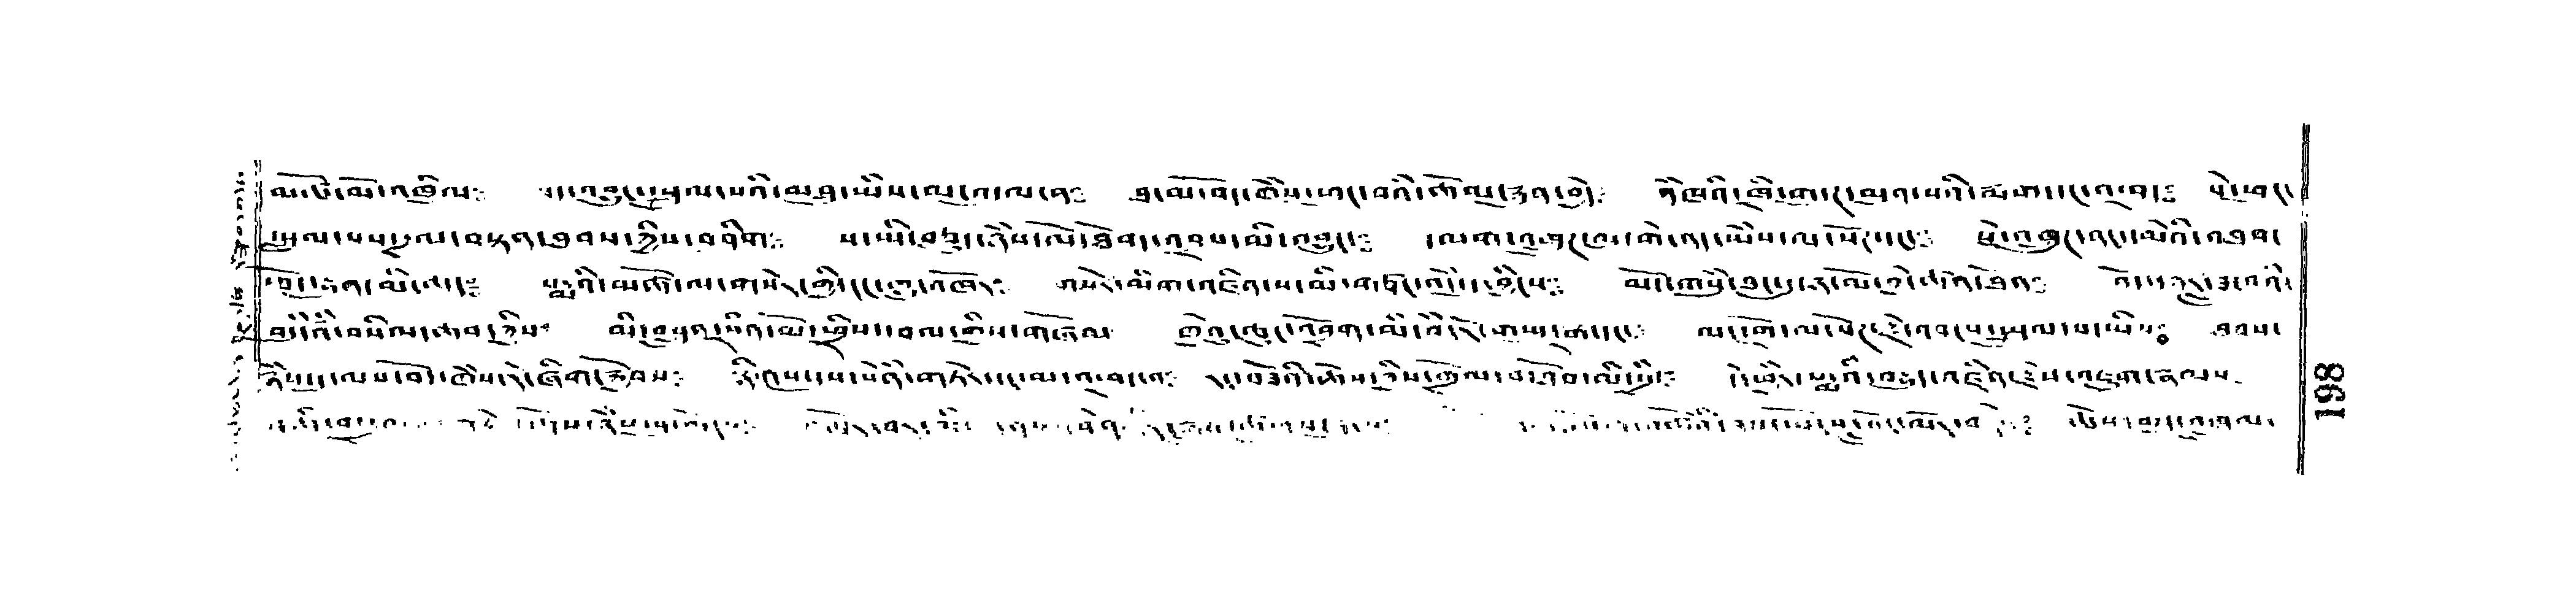མཚོ་མོ་འཁྱིལ༔ པད་འབྱུང་སྤྲུལ་པའི་མཐུ་ཡིས་མ་འདུལ་ན༔ ཐ་མ་བོད་ཁམས་ཕུང་བའི་ཆོམ་རྐུན་བྱེད༔ ནམ་མཁའི་ཁྲི་གདུགས་མུན་པའི་སྨག་དང་འཕྲད༔ སེ་ཕུང་
སྤྲུལ་པས་རྒྱལ་བསྟན་ཐབས་ཀྱིས་བཤིག༔ ས་ཡི་བཅུད་ཉམས་ལོ་ཐོག་འབྲས་མི་འབྱུང༔ དམག་འཁྲུགས་མུ་གེ་ནད་ཡམས་ལ་སོགས་དང༔ སྡེ་འཁྲུགས་ནང་དམེའི་འཐབ་
རྩོད་རྒྱུན་མི་ཆད༔ པདྨའི་མཚོ་ལ་གསེར་གྱི་ངང་ཁྱུ་འཁོར༔ གསེར་མིག་འཛིན་པ་མི་གཙང་ལམ་དུ་བྱིངས༔ མདོ་གསུམ་ཐང་དུ་ཉ་མོ་བྱེ་ཚན་ཐོན༔ འོད་དཀར་ཟླ་བའི་
བདུད་རྩིའི་བསིལ་ཆབ་ཀྱིས༔ མི་སྲུན་སྲིན་མོ་ཕྲིན་ལས་དབལ་གྱིས་གཞོམ༔ ཁྱེའུ་ཆུང་འབྲོག་མི་བཻ་རོ་གཡུ་སྒྲ་དང༔ ལང་གྲོ་ལ་སོགས་རྗེ་འབངས་སྤྲུལ་པ་ཡིས༔ ཐབས་
རྣམས་དུ་མས་བོད་ཁམས་རེ་ཞིག་སྐྱོབ༔ སྙིགས་དུས་སེམས་ཅན་གཏེར་དང་མ་འཕྲད་ན༔ རང་བཟོའི་ཆོས་ཀྱིས་གྲོལ་བ་ཐོབ་མི་སྲིད༔ དེ་ཕྱིར་པདྨའི་བརྒྱུད་འཛིན་རྗེས་འཇུག་རྣམས༔ 
འཆི་བ་དྲན་ན་གཏེར་ཆོས་ཉམས་སུ་ལོངས༔འཁོར་བར་མི་གནས་དབེན་རིར་སྒྲུབ་ཚུགས་ཟུངས༔ དཀོར་ནག་ལོག་འཚོའི་ཟས་སྤོངས་སློང་མོར་བརྟེན༔ ཆོས་བརྒྱད་འཁྲུལ་